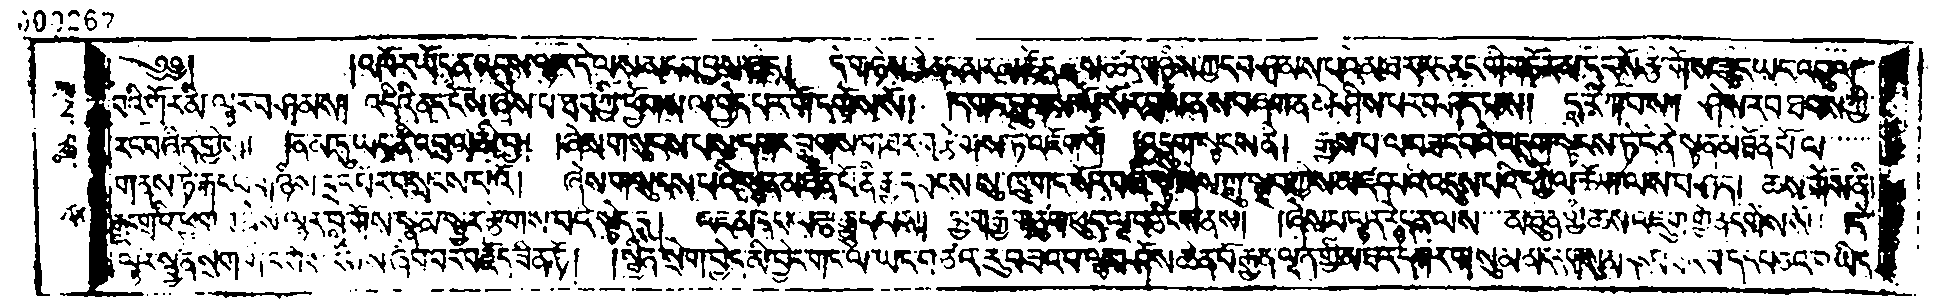༄༅། །འཁོར་ཡོད་ན་འདས་ལྷར་དེ་ལས་མང་བ་བྱས་ཞིང་། དེ་གཉིས་ཀྱི་ནང་མར་མཆོད་རྫས་ཚར་གཉིས་ཀྱང་བཤམས་པའི་མཐར་རང་རང་གི་གཏོར་མ་དང་སོ་རྩི་གོས་ཟུང་ཡང་འབུལ་
བའི་གོ་ར་མི་ལྟར་བཤམས། འདིའི་ནང་ངོས་ཞེས་པ་ཐབ་ཀྱི་ཕྱོགས་ལ་བྱེད་པར་གོ་དགོས་སོ། །དགང་བླུགས་སོ་སོར་བྲལ་ནས་བཞག་ན་མི་ཤིས་པར་བཤད་པས། དཱ་རི་ཀ་བས། ཤེས་རབ་ཐབས་ཀྱི་
རང་བཞིན་གྱིས། །ནམ་དུ་ཡང་ནི་འབྲལ་མི་བྱ། །ཞེས་གསུངས་པས་དགང་བླུགས་གཟར་བརྩེགས་ཏེ་འཇོག་གོ །འདུག་སྟངས་ནི། རྒྱས་པ་ལ་བཟང་བའི་འདུག་སྟངས་ཏེ་དེ་ནི་སྟན་མཐོན་པོ་ལ་
གནས་ཏེ་རྐང་པ་གཉིས་དྲང་པོར་བསྲངས་པའོ། །ཞེས་གསུངས་པའི་སྟན་མཐོན་པོ་ནི་རྒྱ་དབངས་སུ་ཁྲུ་གང་སོར་བཞི་སྟེ་ཞེས་ཀླུ་སྒྲུབ་ཀྱིས་མཛད་པའི་འདུས་པའི་དཀྱིལ་ཆོག་ལས་བཤད། ཆས་གོས་ནི།
རྒྱུད་གྲྭའི་ཕྱག་བཞེས་ལྟར་བླ་གོས་སྣམ་སྦྱར་རྩེགས་པའི་སྟེང་དུ། འཇམ་དཔལ་རྩ་རྒྱུད་ལས། ཕྱག་རྒྱ་གཙུག་ཕུད་ལྔ་བཅིངས་ནས། །ཞེས་པ་ལྟར་རྙེད་ན་ལས་མཐུན་གྱི་ཆས་འཇུག་གྱོན་དགོས་སོ། །དེ་
ལྟར་སྦྱིན་སྲེག་གི་དགོས་རིགས་ཞིབ་བར་བརྗོད་ཟིན་ཏོ། །སྦྱིན་སྲེག་བྱེད་མི་བྱེད་གང་ལ་ཡང་བཙའ་རུ་བཟའ་བ་ལྷ་བཤོས་ཆེན་པོ་རྒྱན་ལྡན་གྱི་མཐར་དཀར་གསུམ་མངར་གསུམ་དང་བཟའ་བ་དང་བཅའ་བ་ཡིད་